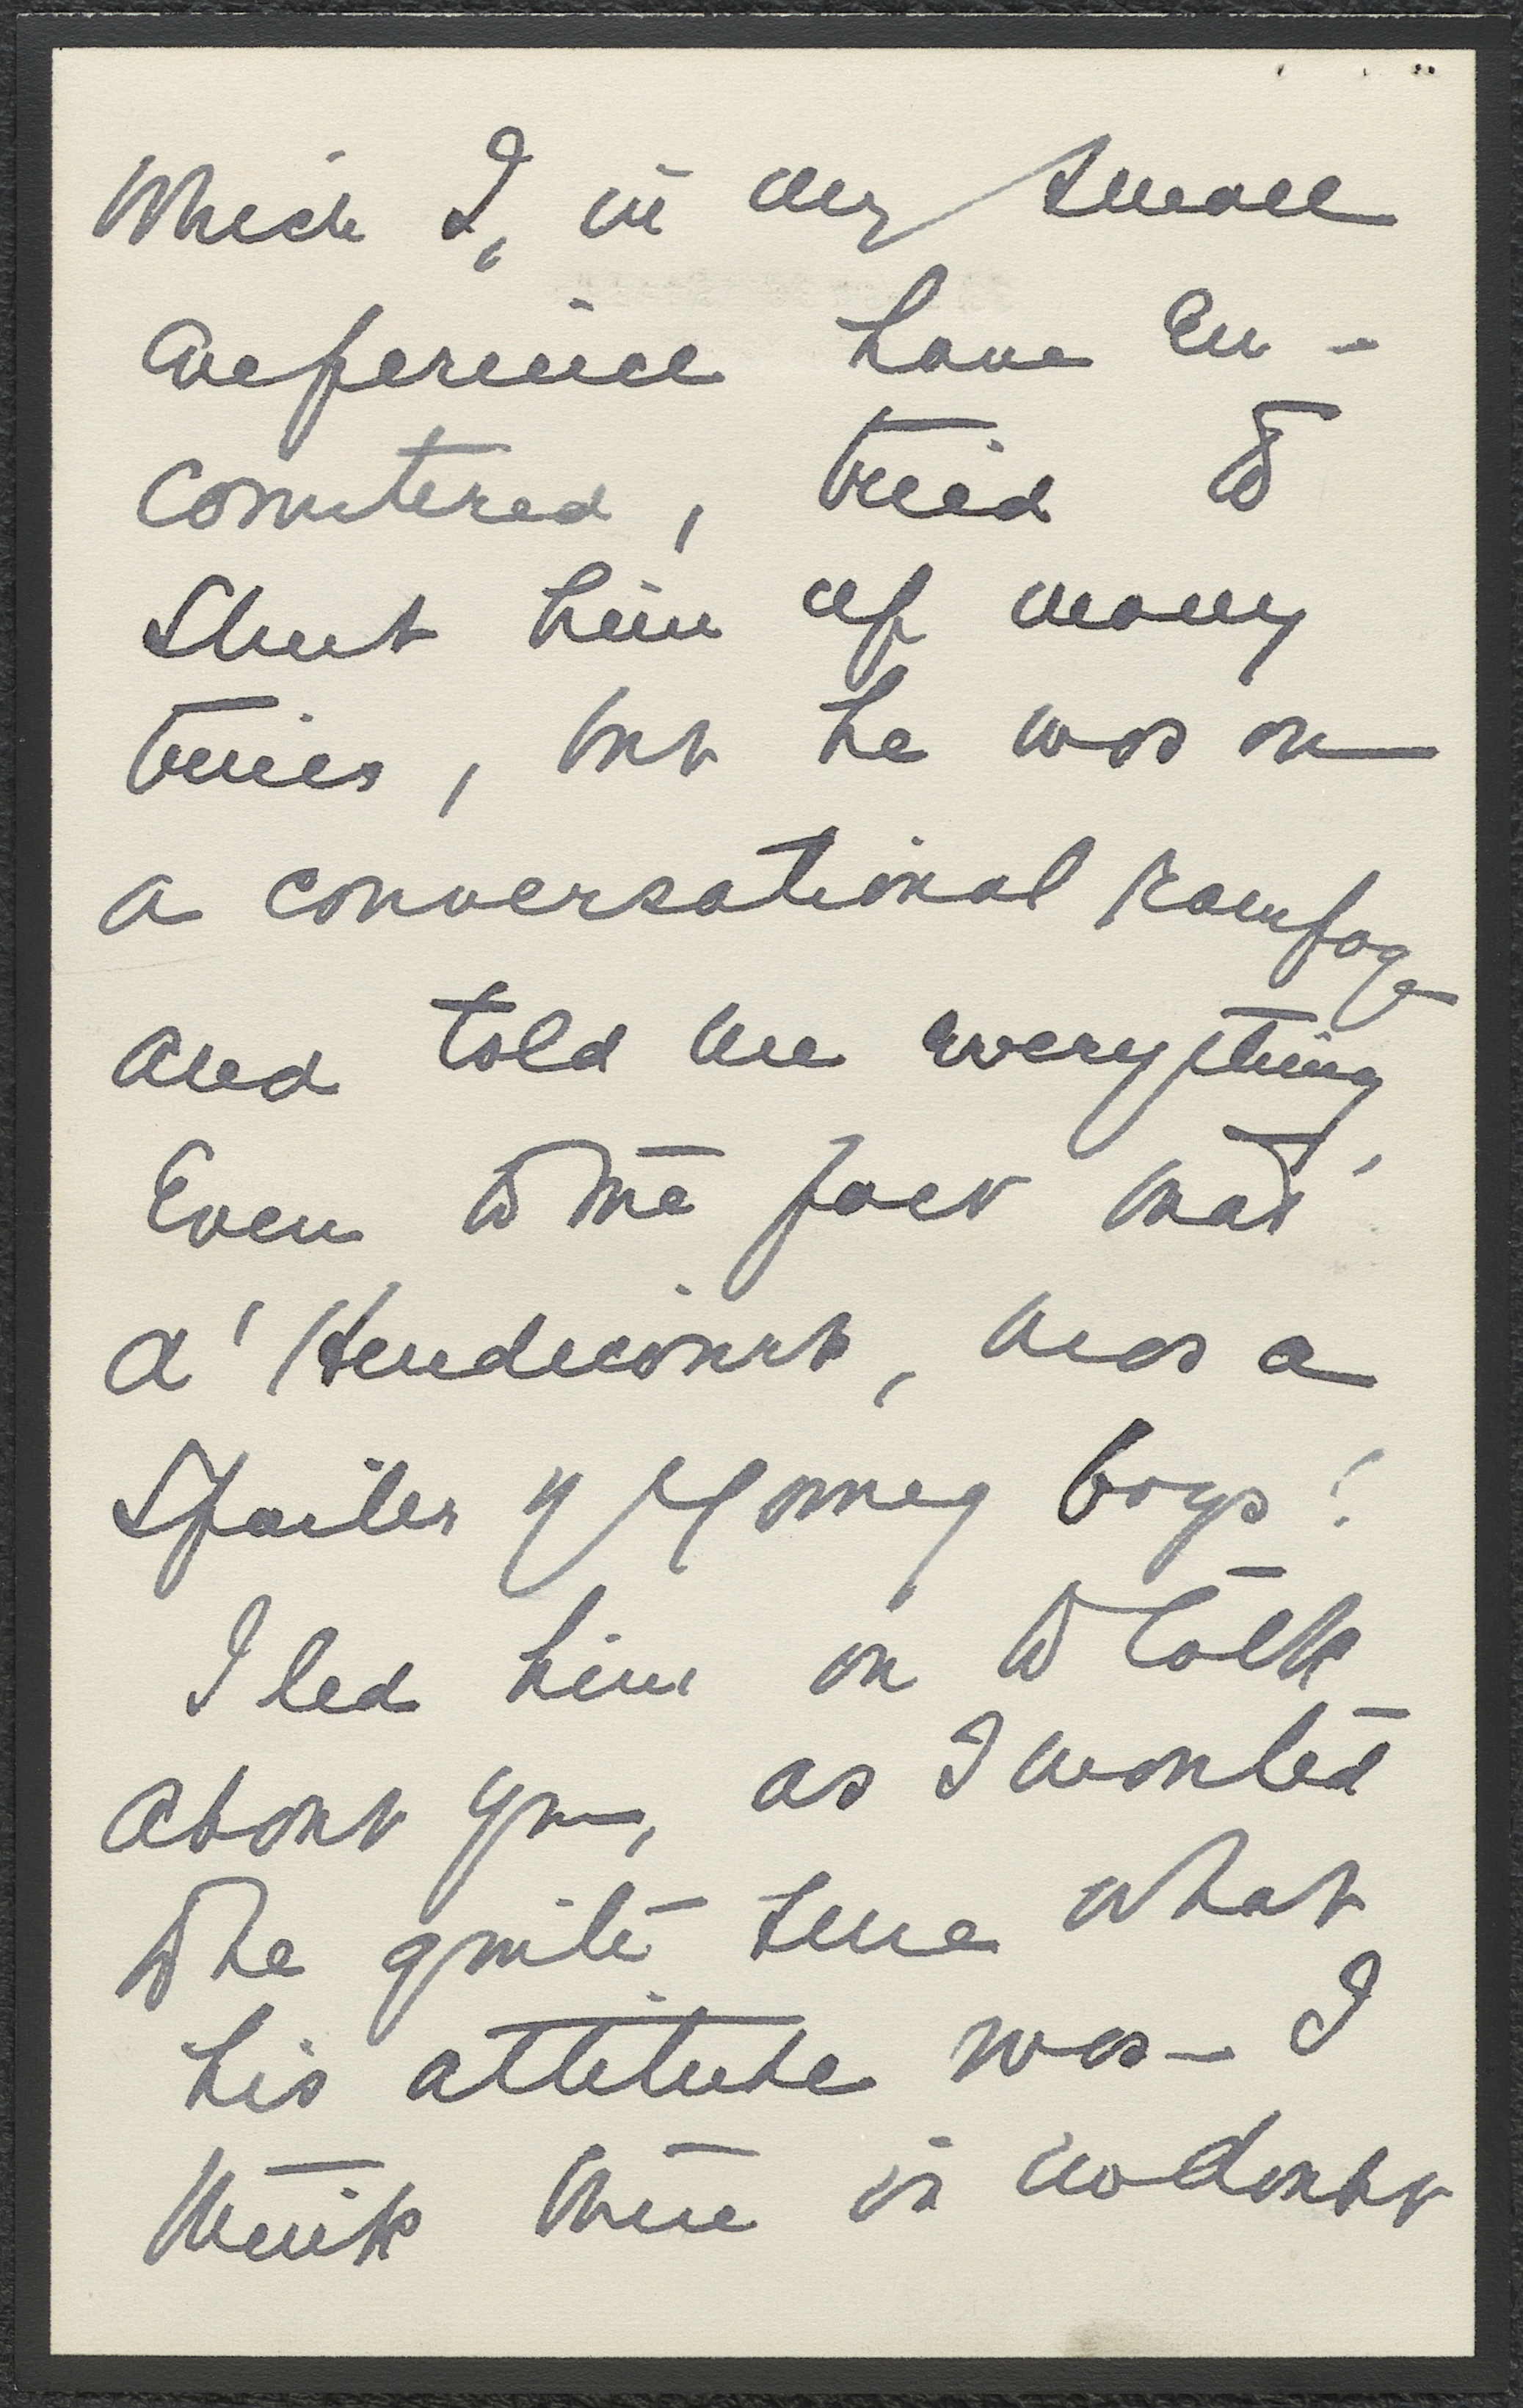which I, in my small experience have encountered, tried to shut him up many times, but he was on a conversational rampage and told me everything, even to the fact that d’Hendicourt, was a spoiler of young boys!
I led him on to talk about you, as I wanted to be quite sure what his attitude was – I think there is no doubt